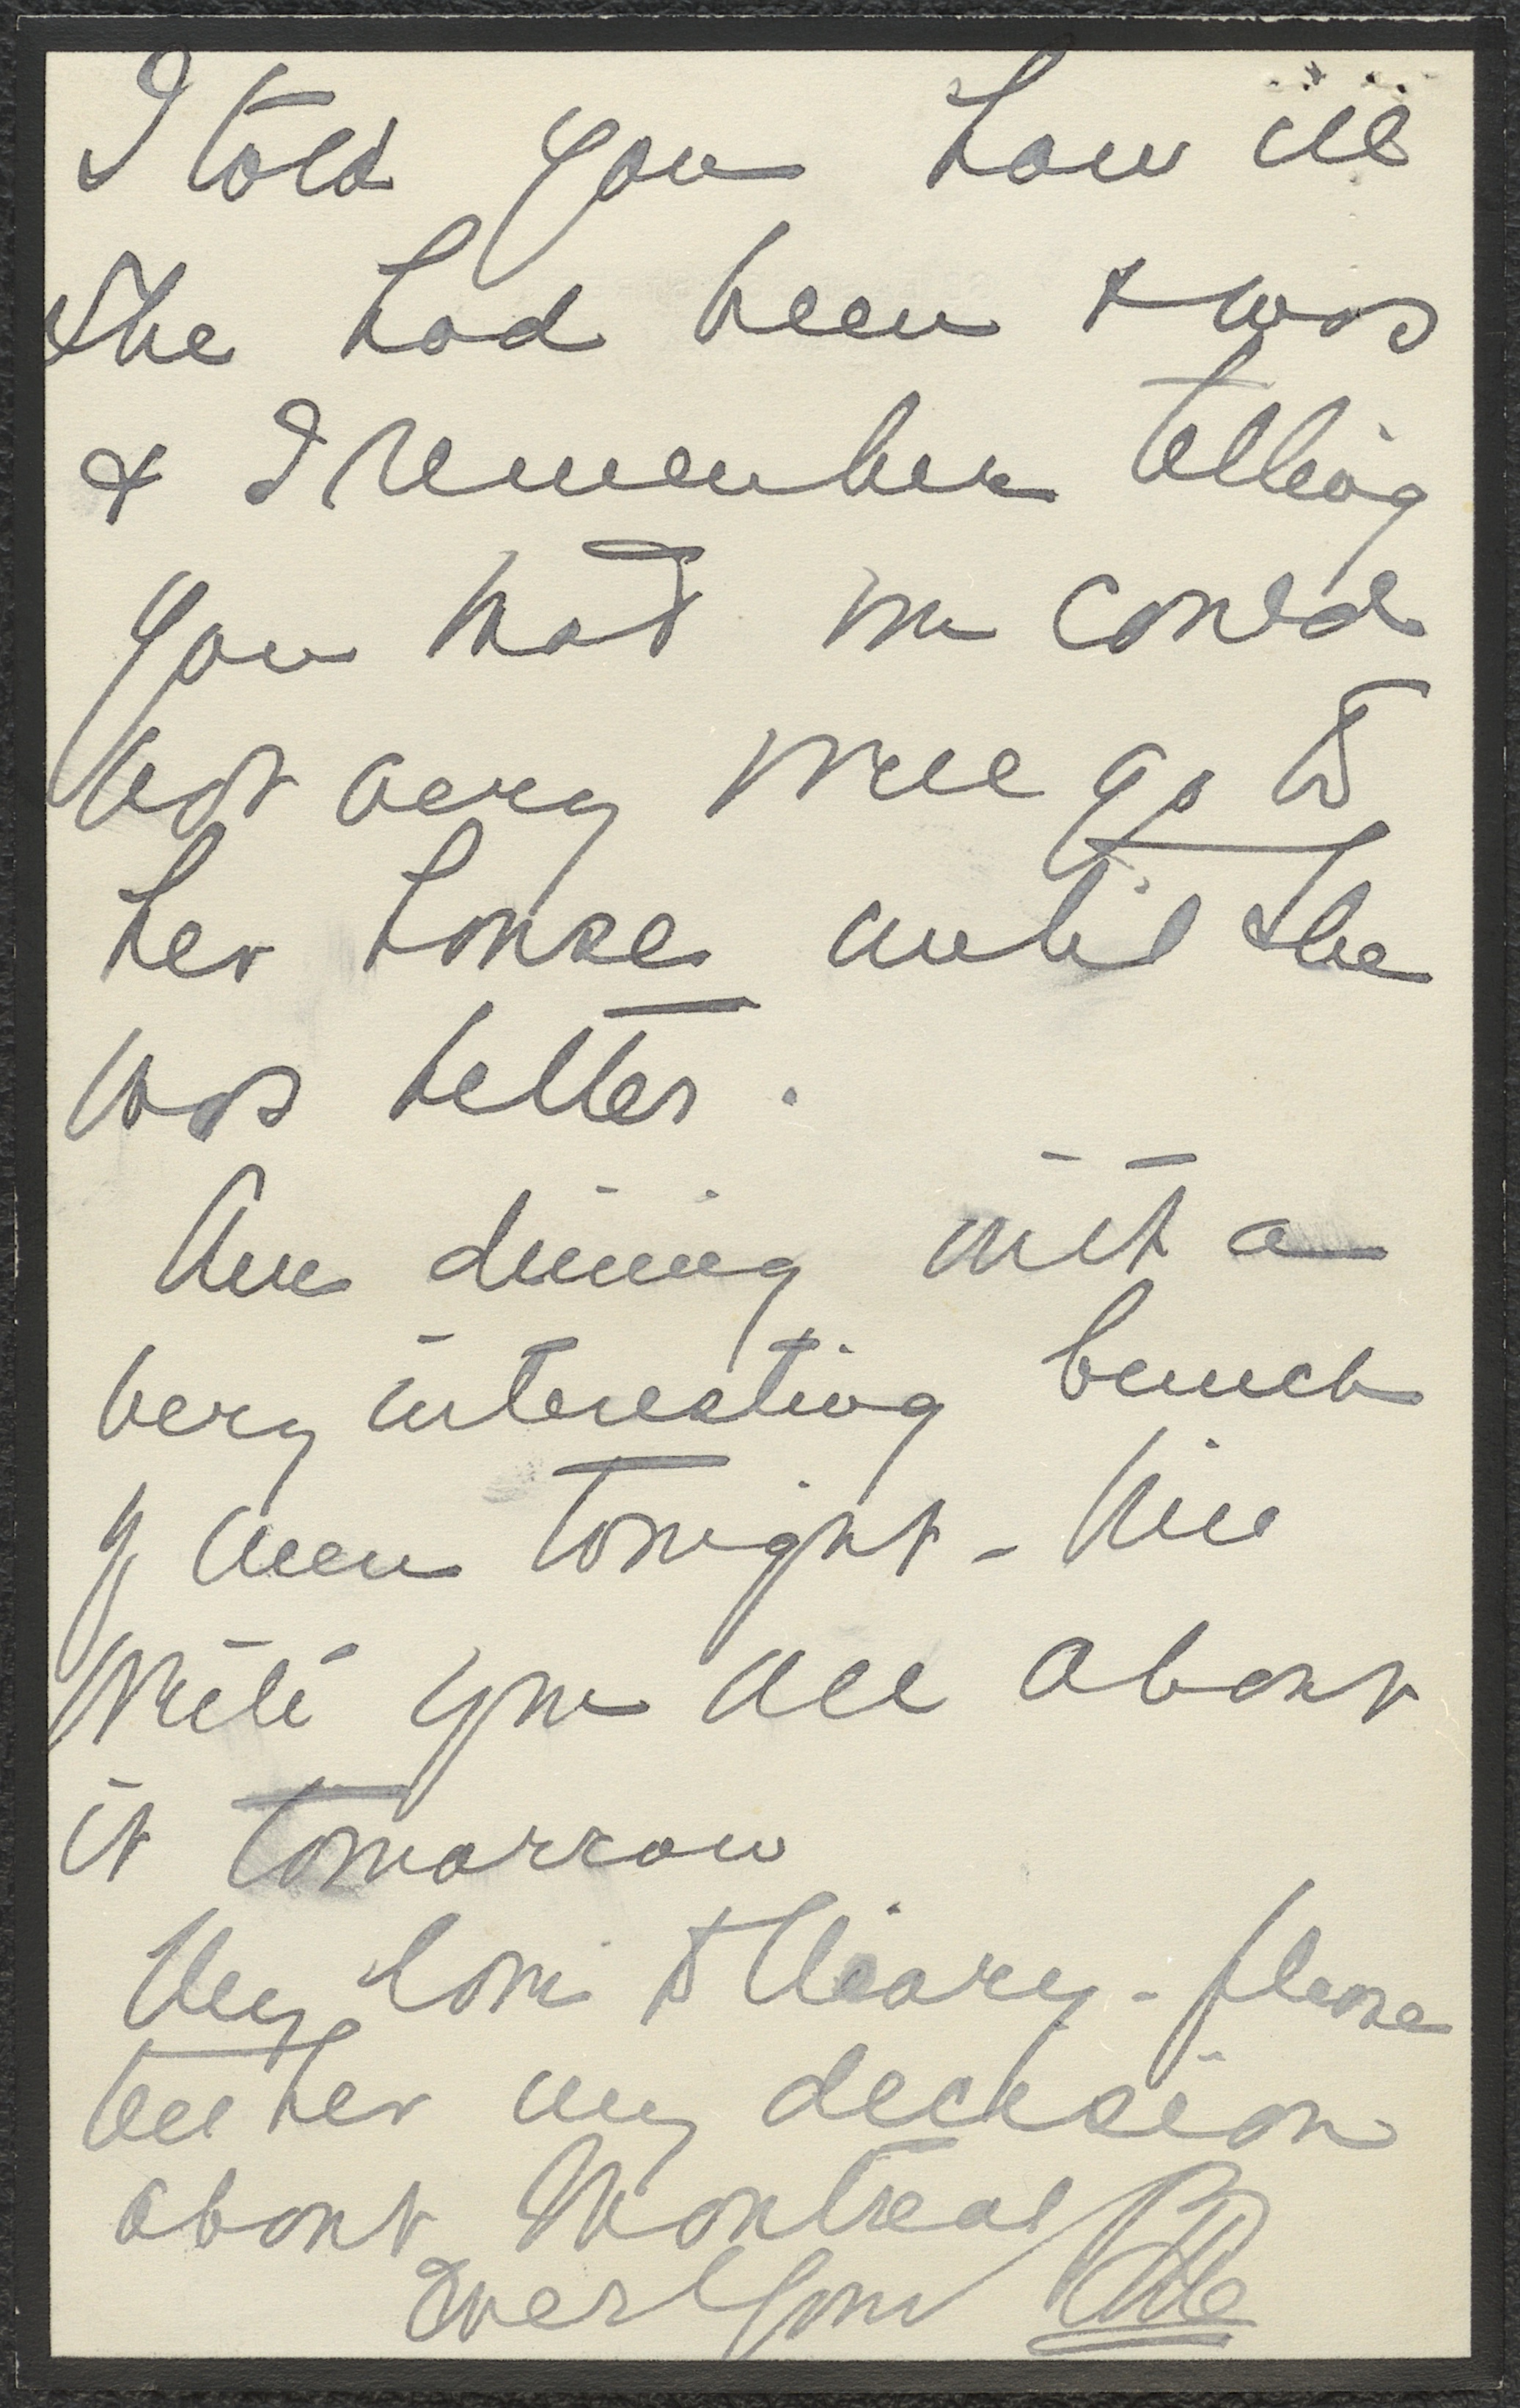I told you how ill she had been & was & I remember telling you that we could not very well go to her house until she was better.
Am dining with a very interesting bunch of men tonight – Will write you all about it tomorrow.
My love to Mary – please tell her my decision about Montreal
Ever Your Belle